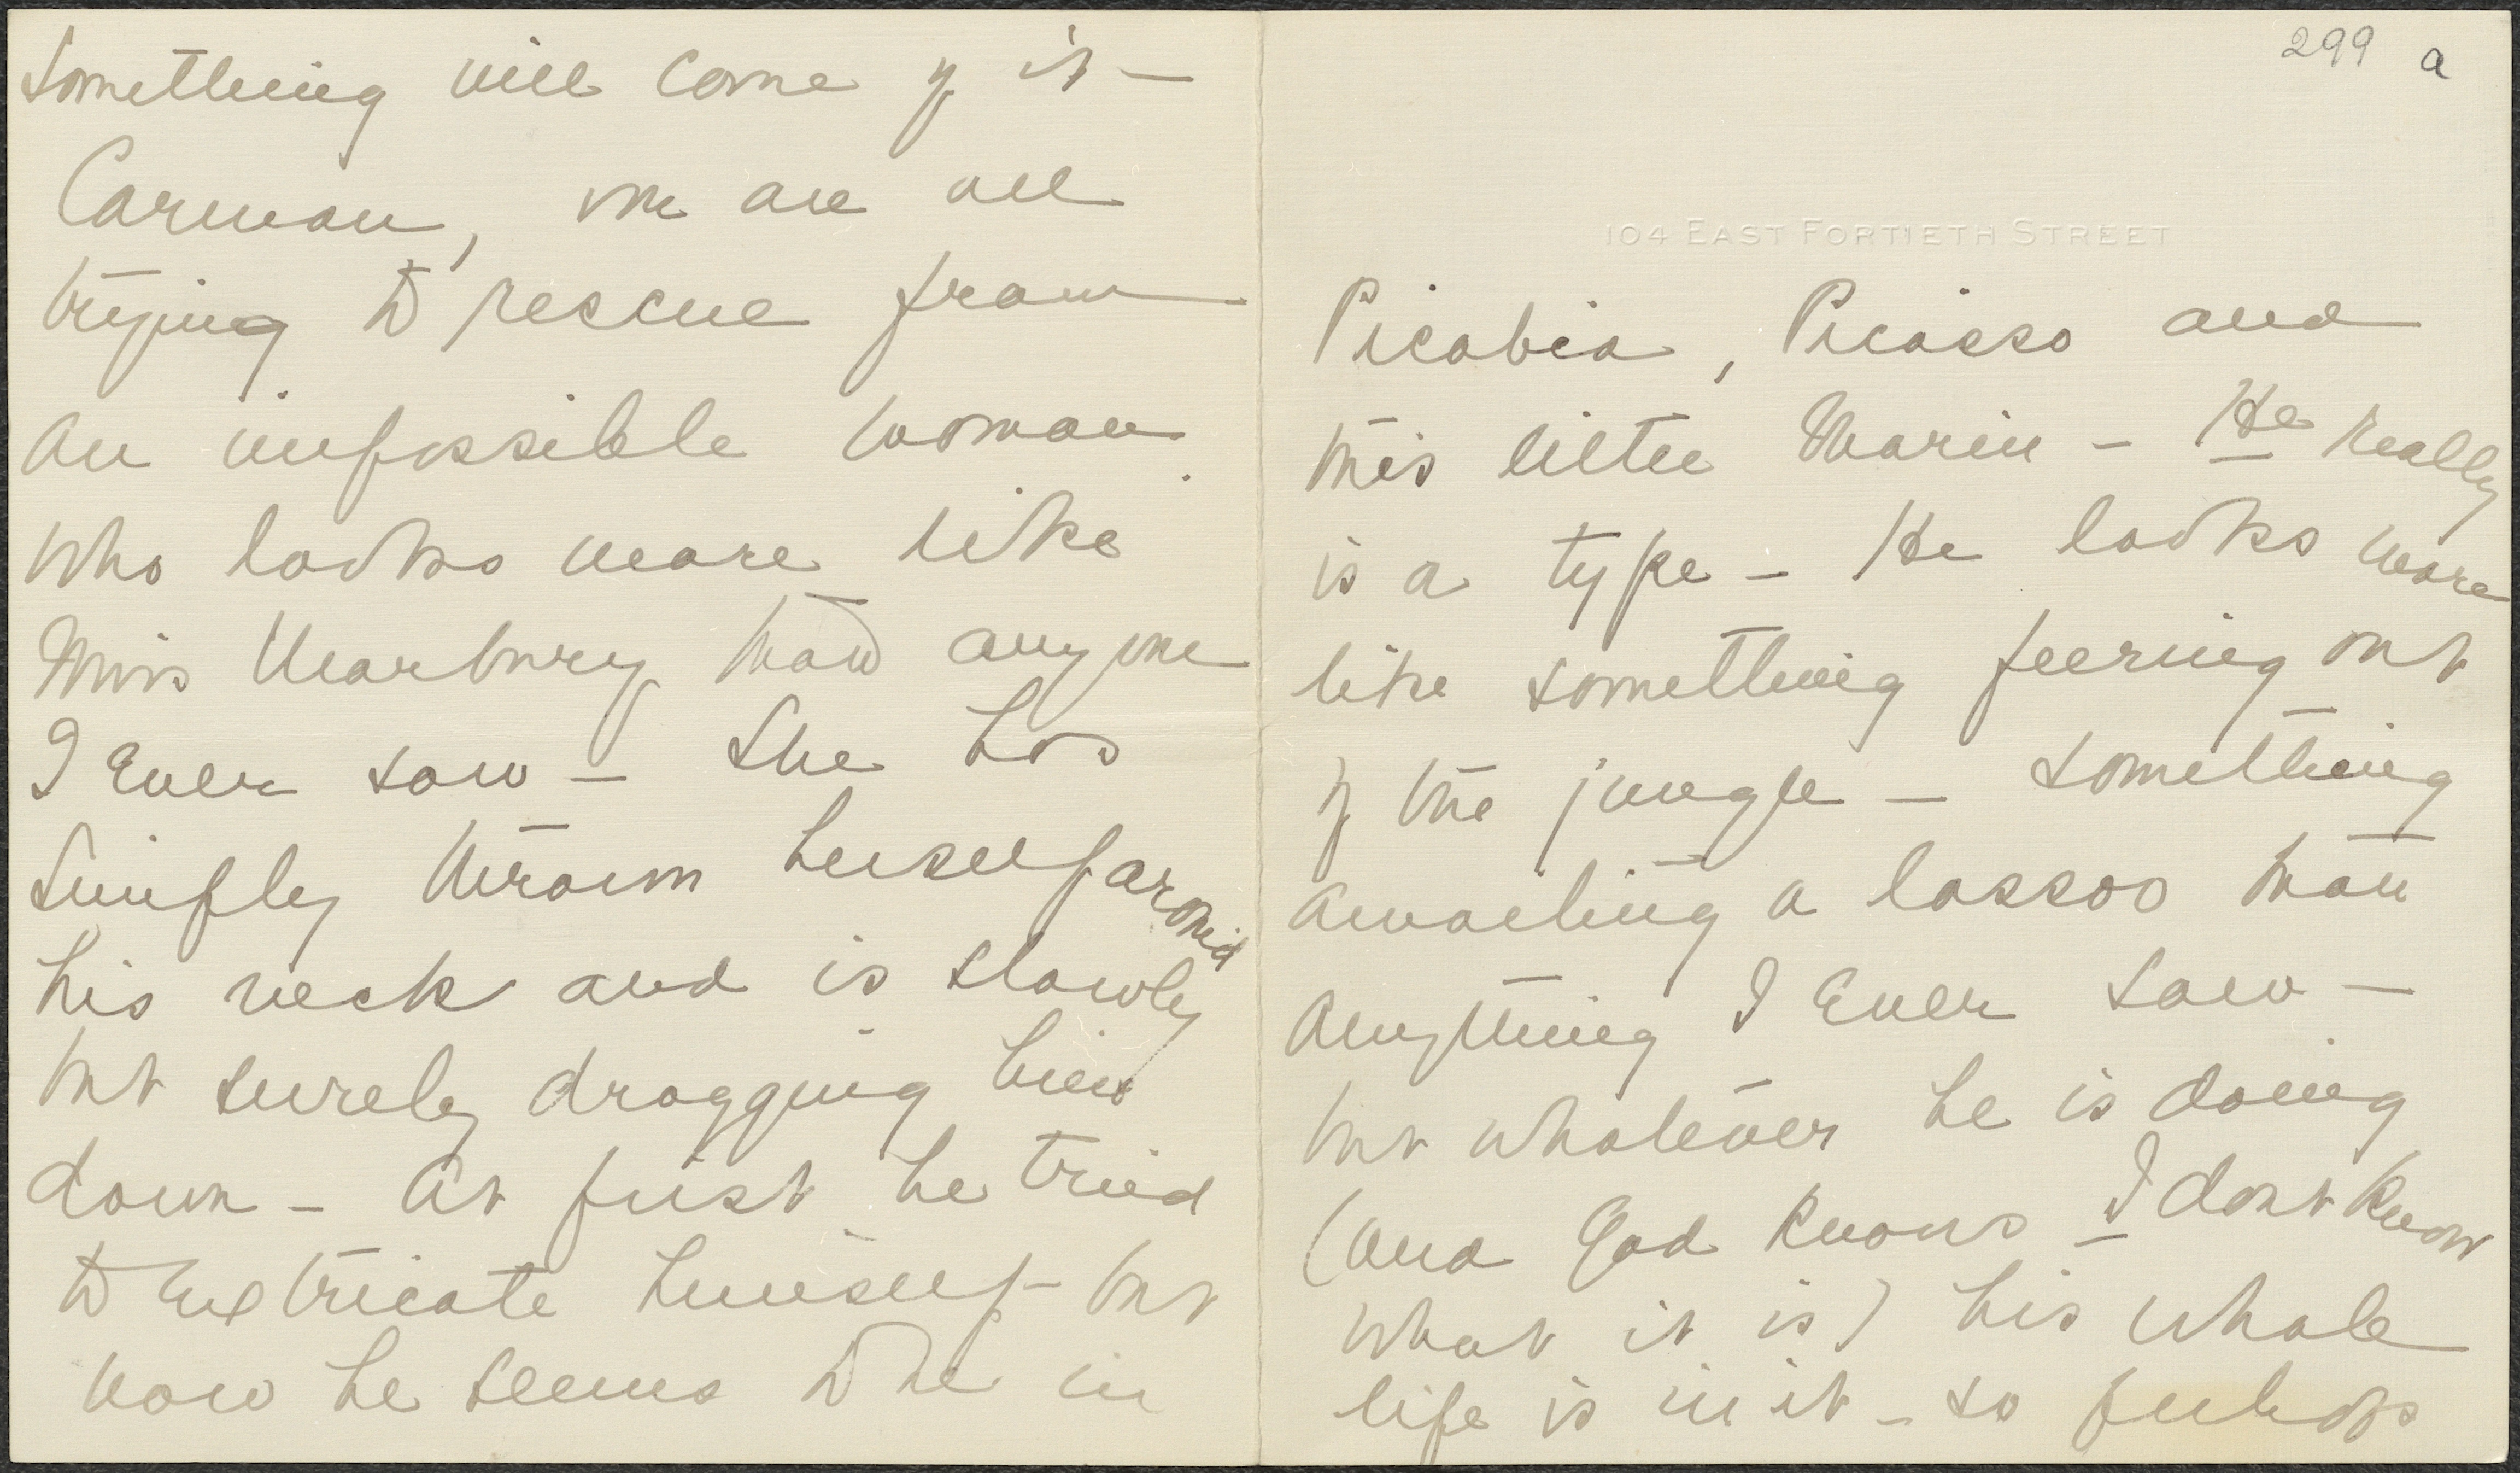Picabia, Picasso and this little Marin – He really is a type – He looks more like something peering out of the jungle – something awaiting a lassoo [sic] than anything I ever saw – but whatever he is doing (and God knows I don’t know what it is) his whole life is in it – so perhaps
something will come of it –
Carman, we are all trying to rescue from an impossible woman who looks more like Miss Marbury than anyone I ever saw – She has simply thrown herself around his neck and is slowly but surely dragging him down – At first he tried to extricate himself – but now he seems to be in